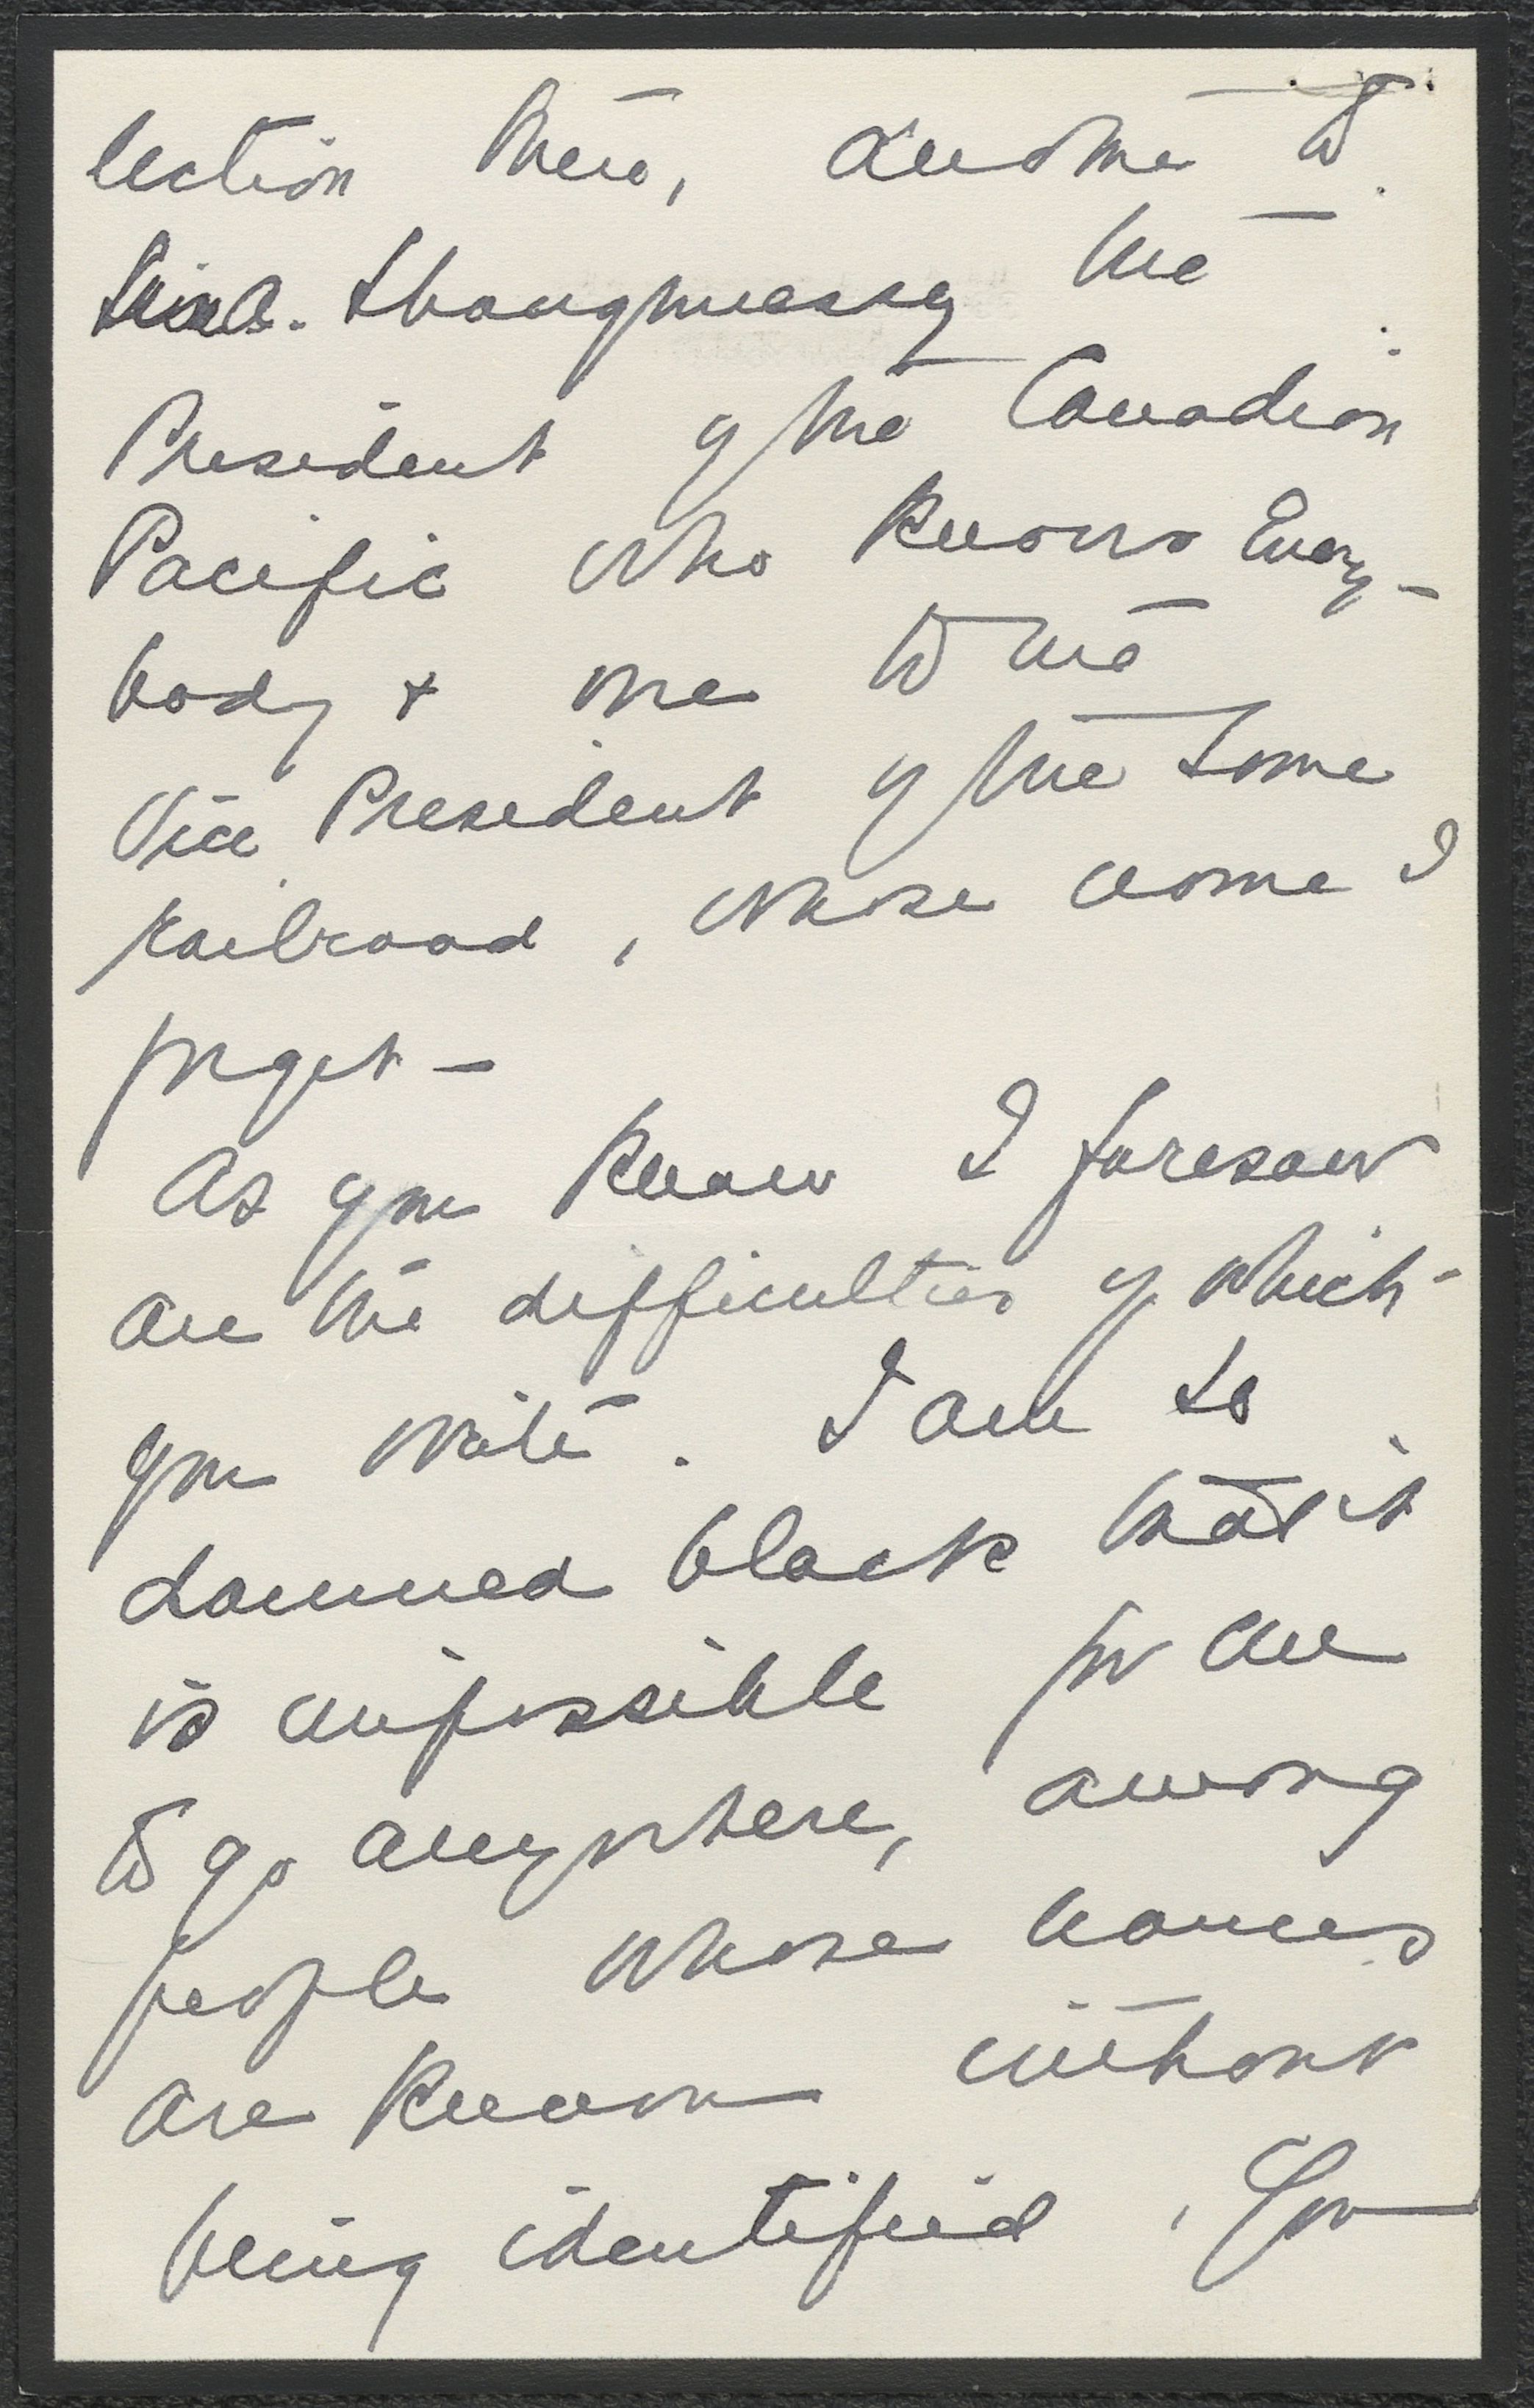there, another to [illegible deletion] Shaughnessy the President of the Canadian Pacific who knows everybody & one to the Vice President of the same railroad, whose name I forget –
As you know I foresaw all the difficulties of which – you write. I am so damned black that it is impossible for me to go anywhere, among people whose names are known without being identified. You